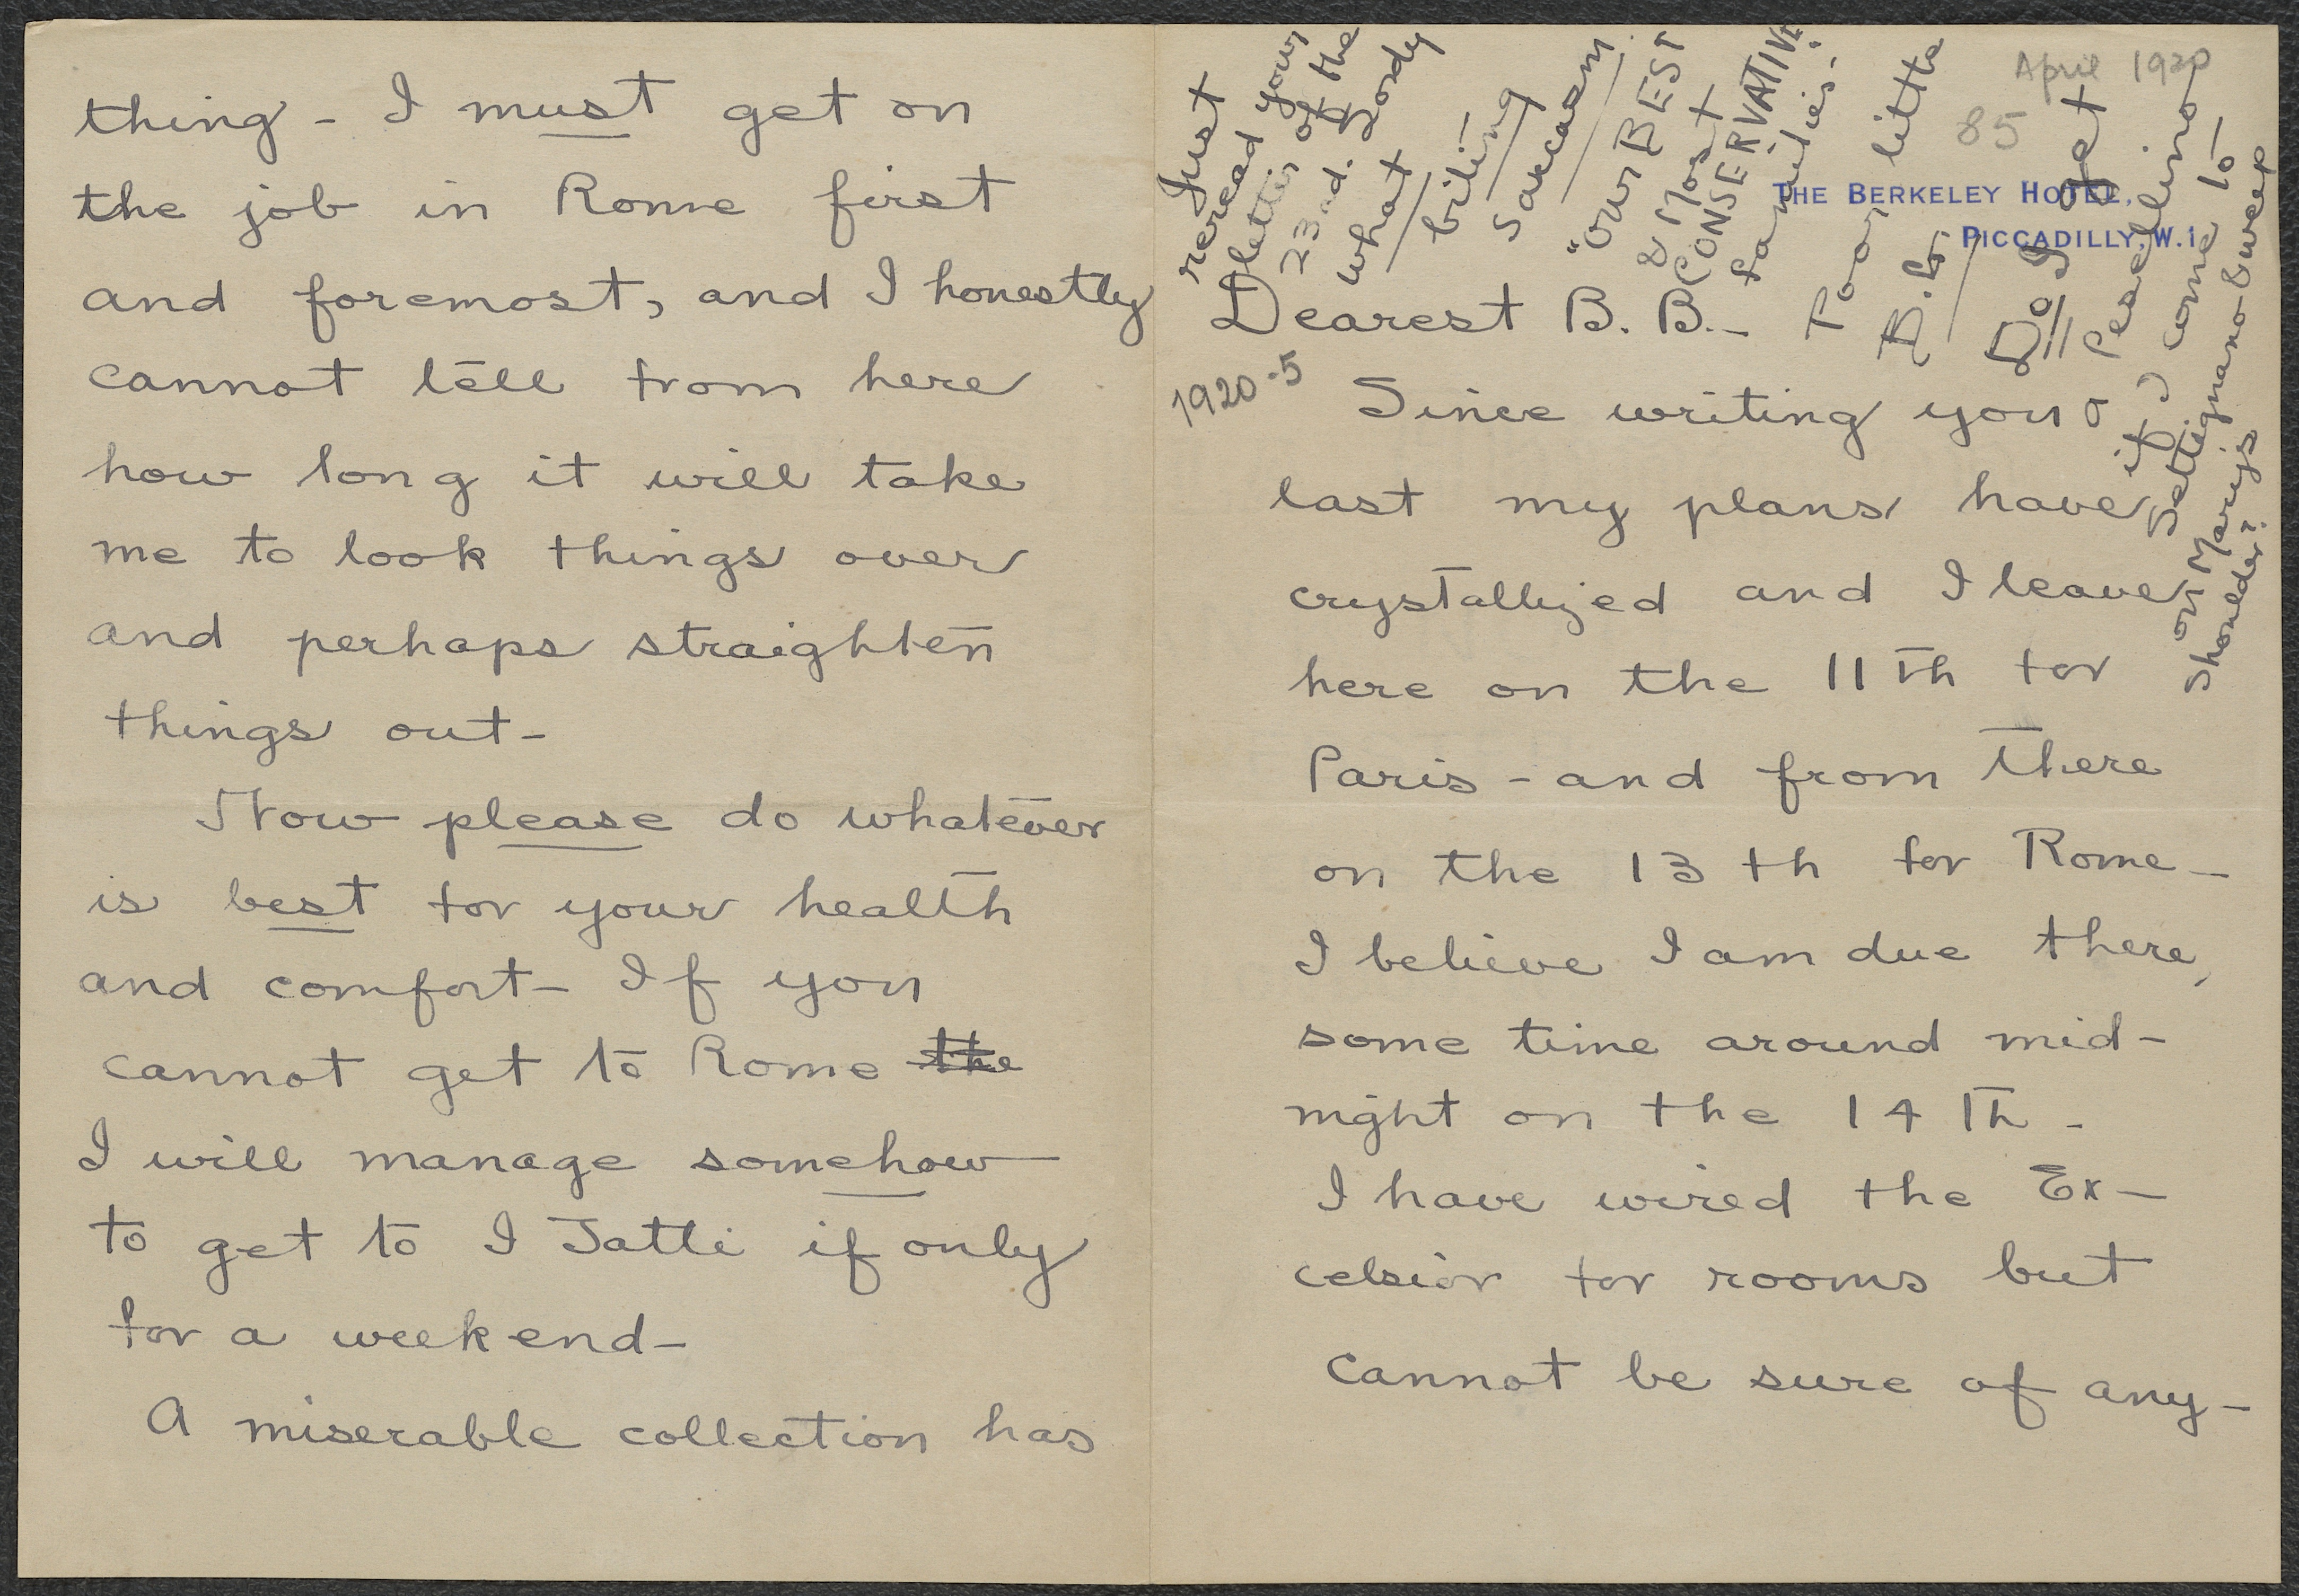Dearest B.B. –
Since writing you last my plans have crystallized and I leave here on the 11th for Paris – and from there on the 13th for Rome – I believe I am due there some time around midnight on the 14th.
I have wired the Excelsior for rooms but cannot be sure of anything
[Written on the top margin, sideways: Just reread your letter of the 23rd. Lordy what biting sarcasm. "Our BEST & Most CONSERVATIVE facilities." Poor little B.G. [double underlined: Do] I get a Pesellino if I come to Settignano & weep on Mary's shoulder?]
– I must get on the job in Rome first and foremost, and I honestly cannot tell from here how long it will take me to look things over and perhaps straighten things out –
Now please do whatever is best for your health and comfort – If you cannot get to Rome the I will manage somehow to get to I Tatti if only for a weekend –
A miserable collection has